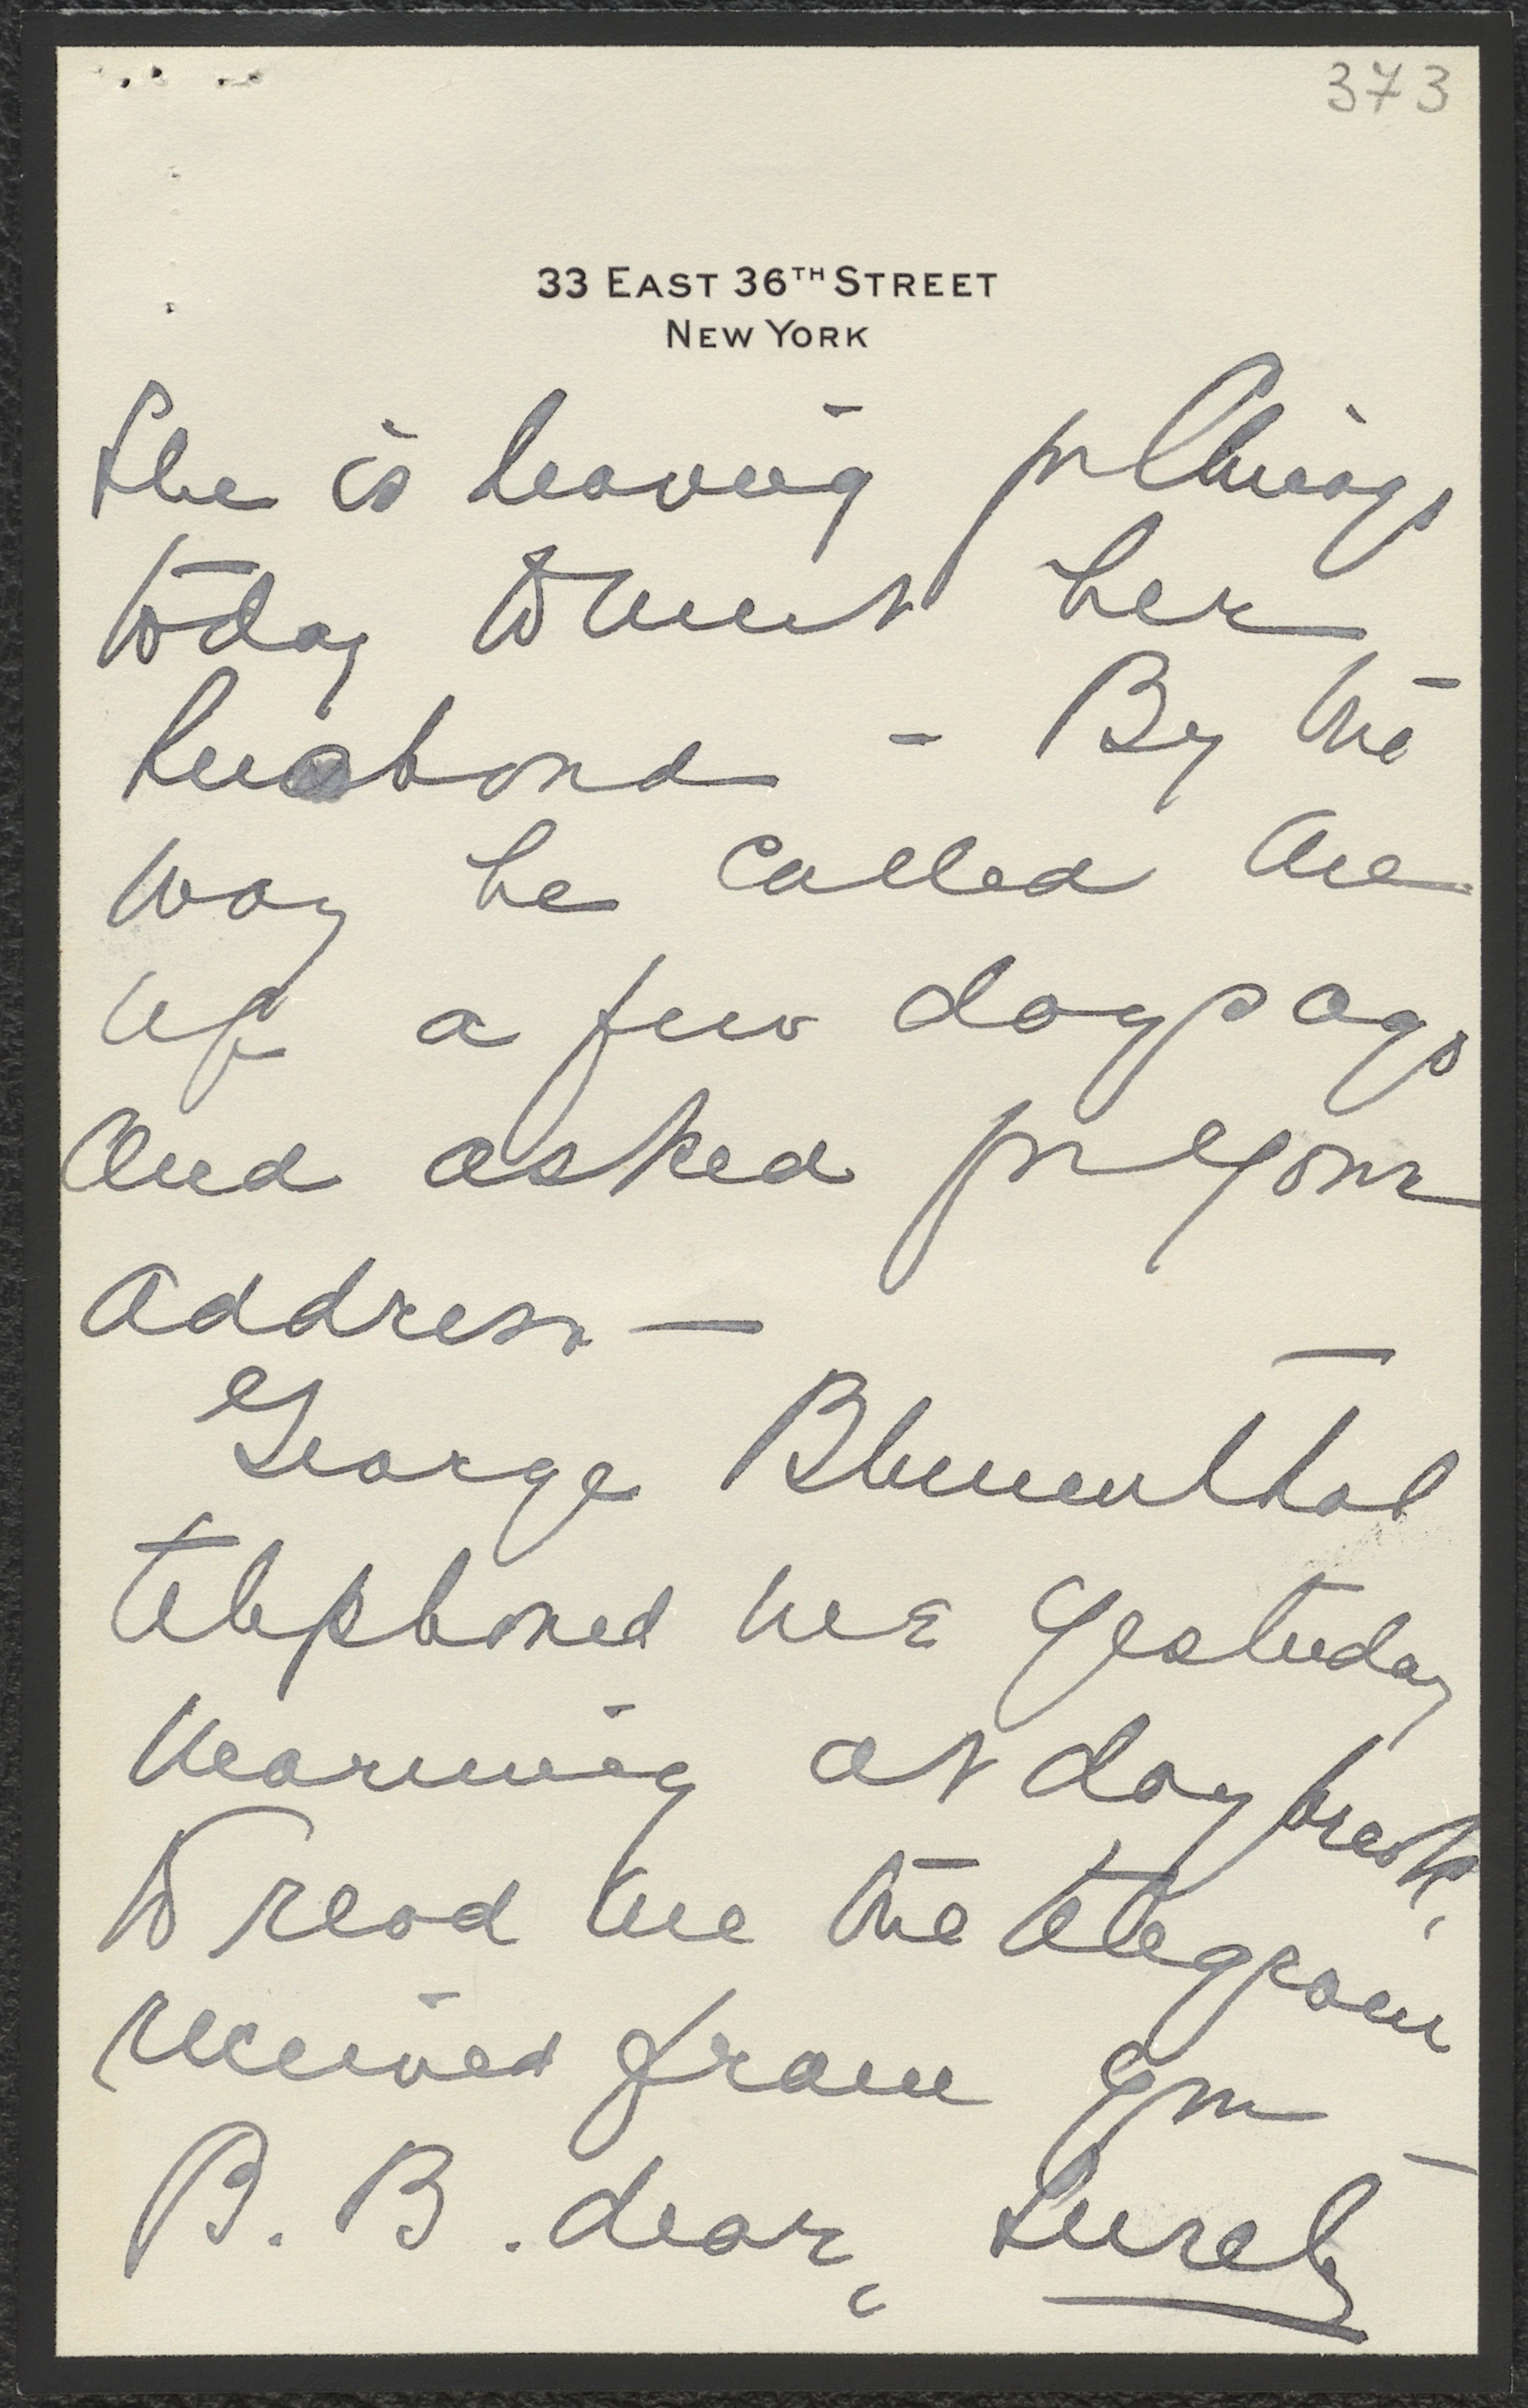She is leaving for Chicago today to meet her husband – By the way he called me up a few days ago and asked for your address –
George Blumenthal telephoned me yesterday morning at daybreak, to read me the telegram received from you – B. B. dear, surely